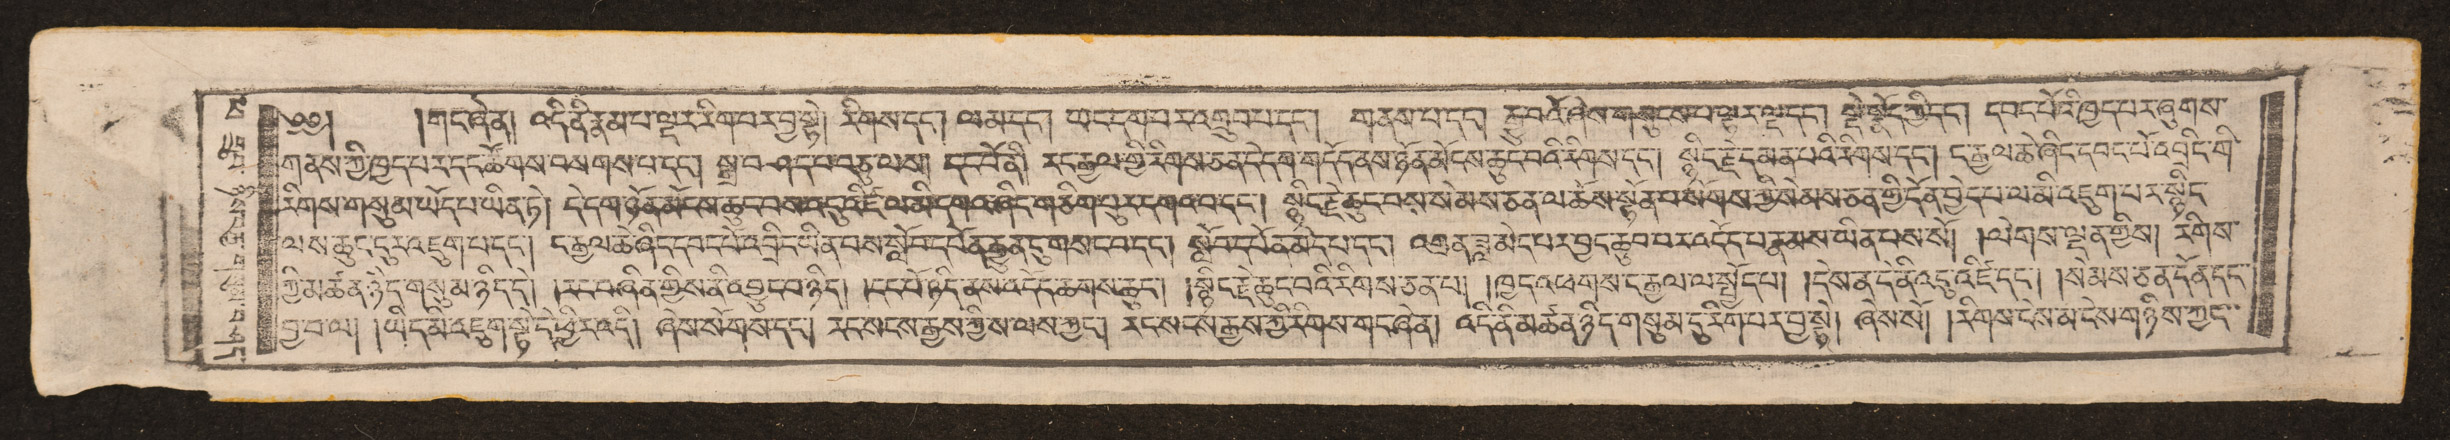༄༅། །གང་ཞེ་ན། འདི་ནི་རྣམ་པ་ལྔར་རིག་པར་བྱ་སྟེ། རིགས་དང་། ལམ་དང་། ཡང་དག་པར་འགྲུབ་པ་དང་། གནས་པ་དང་། རྒྱུ་བའོ་ཞེས་གསུངས་པ་ལྟར་ལྔ་དང་། སྡེ་སྣོད་ཀྱི་དང་། དབང་པོའི་ཁྱད་པར་ཞུགས་
གནས་ཀྱི་ཁྱད་པར་དང་ཚོགས་བསགས་པ་དང་། སྒྲ་བཤད་པ་བཅུ་ལས། དང་པོ་ནི། རང་རྒྱལ་གྱི་རིགས་ཅན་དེ་དག་གདོད་ནས་ཉོན་མོང་བ་ཆུང་བའི་རིགས་དང་། སྙིང་རྗེ་དམན་པའི་རིགས་དང་། ང་རྒྱལ་ཆེ་ཞིང་དབང་པོ་འབྲིང་གི་
རིགས་གསུམ་ཡོད་པ་ཡིན་ཏེ། དེ་དག་ཉེན་མོངས་ཆུང་བས་འདུའི་ཛ་ལ་མི་དགའ་ཞིང་གཅིག་བུར་དགའ་བ་དང་། སྙིང་རྗེ་ཆུང་བས་སེམས་ཅན་ལ་ཆོས་སྟོན་པ་སོགས་ཀྱི་སེམས་ཅན་གྱི་དོན་བྱེད་པ་ལ་མི་འཇུག་པར་སྙིང་
ལས་ཆུང་ངུར་འཇུག་པ་དང་། ང་རྒྱལ་ཆེ་ཞིང་དབང་པོ་འབྲིང་ཡིན་པས་སློབ་དཔོན་རྒྱུན་དུ་གསང་བ་དང་། སློབ་དཔོན་མེད་པ་དང་། འགྲན་ཟླ་མེད་པར་བྱང་ཆུབ་བར་འདོད་པ་རྣམས་ཡིན་པས་སོ། །ལེགས་ལྡན་གྱིས། རིགས་
ཀྱི་མཚན་ཉིད་གསུམ་ཉིད་དེ། །རང་བཞིན་གྱིས་ནི་འབྱུང་བ་ཉིད། །དང་པོ་ཉིད་ནས་འདོད་ཆགས་ཆུང་། །སྙིང་རྗེ་ཆུང་བའི་རིགས་ཅན་པ། །ཁྱད་འཕགས་ང་རྒྱལ་ལ་སྤྱོད་པ། །དེས་ན་དེ་ནི་འདུ་འཛི་དང་། །སེམས་ཅན་དོན་དང་
བྱ་བ་ལ། །ཡིད་མི་འཇུག་སྟེ་དེ་ཕྱིར་འདི། ཞེས་སོགས་དང་། རང་སངས་རྒྱས་ཀྱིས་ལས་ཀྱང་། རང་སངས་རྒྱས་ཀྱི་རིགས་གང་ཞེ་ན། འདི་ནི་མཚན་ཉིད་གསུམ་དུ་རིག་པར་བྱ་སྟེ། ཞེས་སོ། །རིགས་ངེས་མ་ངེས་གཉིས་ཀྱང་